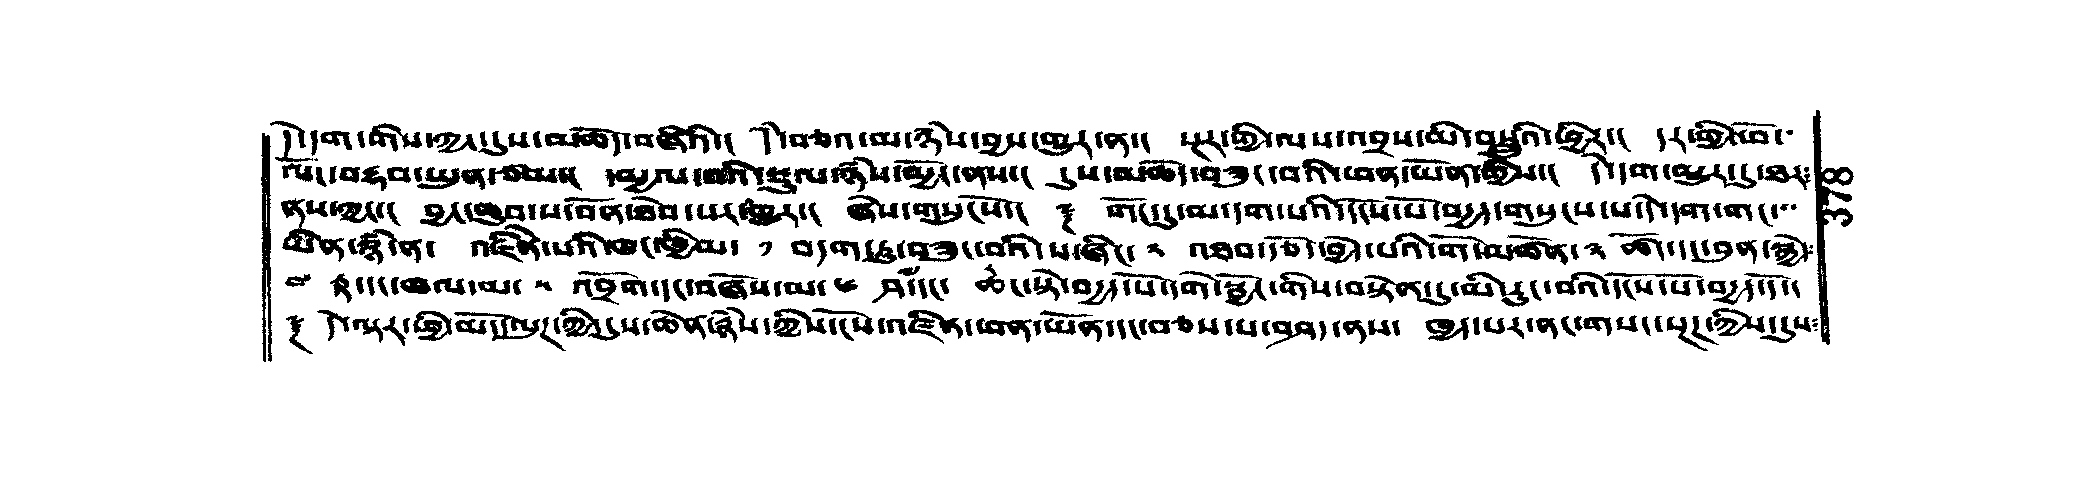།དེ་དག་གིས་ཀྱང་དུས་མཆོད་བཞིའི། །དམ་བཅའ་མ་ཉམས་བྱས་གྱུར་ནས། །སྔར་གྱི་ལས་འབྲས་མི་བསླུའི་ཕྱིར། །དར་གྱི་ཕོ་
ལོང་བརྡབ་ཡུན་ཙམ། །དམྱལ་བའི་སྡུག་བསྔལ་ཉམས་མྱོང་ནས། །དུས་མཆོད་བཟུང་བའི་ཕན་ཡོན་གྱིས། །དེ་དག་མྱུར་དུ་ཐར་
ནས་ཀྱང་། །བྱང་ཆུབ་ས་བོན་ཐེབས་པར་འགྱུར། ཞེས་གསུངས་སོ། ༈ གོང་དུ་མ་དག་པའི་དངོས་པོ་བརྒྱད་གསུངས་པ་དེ་དག་གང་
ཡིན་སྙམ་ན། འཇིག་རྟེན་ཁང་ཁྱིམ། ༡ བདག་ཏུ་བཟུང་བའི་ས་ཞིང་། ༢ འཐབ་རྩོད་བྱེད་པའི་གོ་མཚོན། ༣ ཚོང་དང་བུན་སྐྱེད། ༤ 
རྟ་དང་ཁལ་མ། ༥ འབྲོག་དང་བཞོས་མ། ༦ ཤ་དང་། ༧ ཆང་སྟེ་བརྒྱད་པོ་དགེ་སྦྱོང་གིས་བསྟེན་དུ་མི་རུང་བའི་དངོས་པོ་བརྒྱད་དོ། 
༈ དེ་ལྟར་ཕྱི་མ་མདོ་ལུགས་ཀྱི་དུས་ཆེན་རྣམས་ཀྱིས་ངོས་འཛིན་ཕན་ཡོན་དང་བཅས་པ་བཤད་ནས། ཁྱད་པར་ནང་གསང་སྔགས་ཀྱིས་དུས་